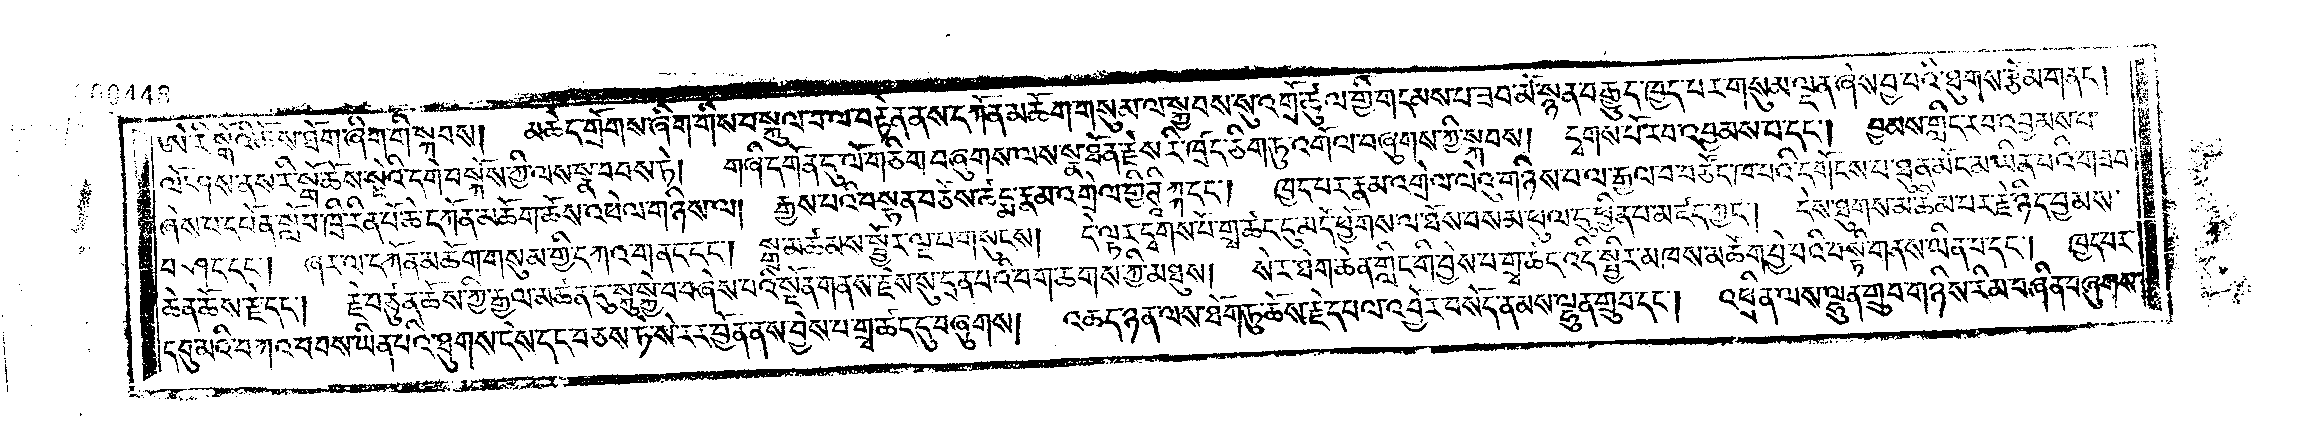ཨེ་རི་སྒོའི་ཆོས་ཐོག་ཞིག་གི་སྐབས། མཆེད་གྲོགས་ཞིག་གིས་བསྐུལ་བ་ལ་བརྟེན་ནས་དཀོན་མཆོག་གསུམ་ལ་སྐྱབས་སུ་འགྲོ་ཚུལ་གྱི་གདམས་པ་ཟབ་མོ་སྙན་བརྒྱུད་ཁྱད་པར་གསུམ་ལྡན་ཞེས་བྱ་བའི་ཐུགས་རྩོམ་གནང་།
ལོ་ཤས་ནས་རི་སྒོ་ཆོས་སྡེའི་དགེ་བསྐོས་ཀྱི་ལས་སྣ་བབས་ཏེ། གཞི་དགོན་དུ་ལོ་གཅིག་བཞུགས་ལས་སྣ་ཐོན་རྗེས་རི་ཁྲོད་ཅིག་ཏུ་འགོལ་བཞུགས་ཀྱི་སྐབས། དྭགས་པོ་རབ་འབྱམས་པ་དང་། བྱམས་གླིང་རབ་འབྱམས་པ་
ཞེས་པ་དཔོན་སློབ་ཁྲི་རིན་པོ་ཆེ་དཀོན་མཆོག་ཆོས་འཕེལ་གཉིས་ལ། རྒྱས་པའི་བསྟན་བཅོས་ཚང་མ་རྣམ་འགྲེལ་གྱི་ཊཱིཀྐ་དང་། ཁྱད་པར་རྣམ་འགྲེལ་ལེའུ་གཉིས་པ་ལ་རྒྱལ་བ་བཙོང་ཁ་པའི་དགོངས་པ་ཐུན་མོང་མ་ཡིན་པའི་གཟབ་
བཤད་དང་། ཞར་ལ་དཀོན་མཆོག་གསུམ་གྱི་དཀའ་གནང་དང་། སྒྲ་མཚམས་སྦྱོར་ལྔ་པ་གསུངས། དེ་ལྟར་དྭགས་པོ་གྲྭ་ཚང་དུ་མདོ་ཕྱོགས་ལ་ཐོས་བསམ་ཕུལ་དུ་ཕྱིན་པ་མཛད་ཀྱང་། དེས་ཐུགས་མ་ཚིམ་པར་རྗེ་ཉིད་བྱམས་
ཆེན་ཆོས་རྗེ་དང་། རྗེ་བཙུན་ཆོས་ཀྱི་རྒྱལ་མཚན་དུ་སྐུ་སྐྱེ་བ་བཞེས་པའི་སྔོན་གནས་རྗེས་སུ་དྲན་པའི་བག་ཆགས་ཀྱི་མཐུས། སེར་ཐེག་ཆེན་གླིང་གི་བྱེས་པ་གྲྭ་ཚང་འདི་སྤྱིར་མཁས་མཆོག་བྱེ་བའི་བསྟི་གནས་ཡིན་པ་དང་། ཁྱད་པར་
དབུ་མའི་བཀའ་བབས་ཡིན་པའི་ཐུགས་ངེས་དང་བཅས་ཏེ་སེ་རར་བྱོན་ནས་བྱེས་པ་གྲྭ་ཚང་དུ་བཞུགས། འཆད་ཉན་ལས་ཐོག་ཏུ་ཆོས་རྗེ་དཔལ་འབྱོར་བསོད་ནམས་ལྷུན་གྲུབ་དང་། འཕྲིན་ལས་ལྷུན་གྲུབ་གཉིས་རིམ་བཞིན་བཞུགས་